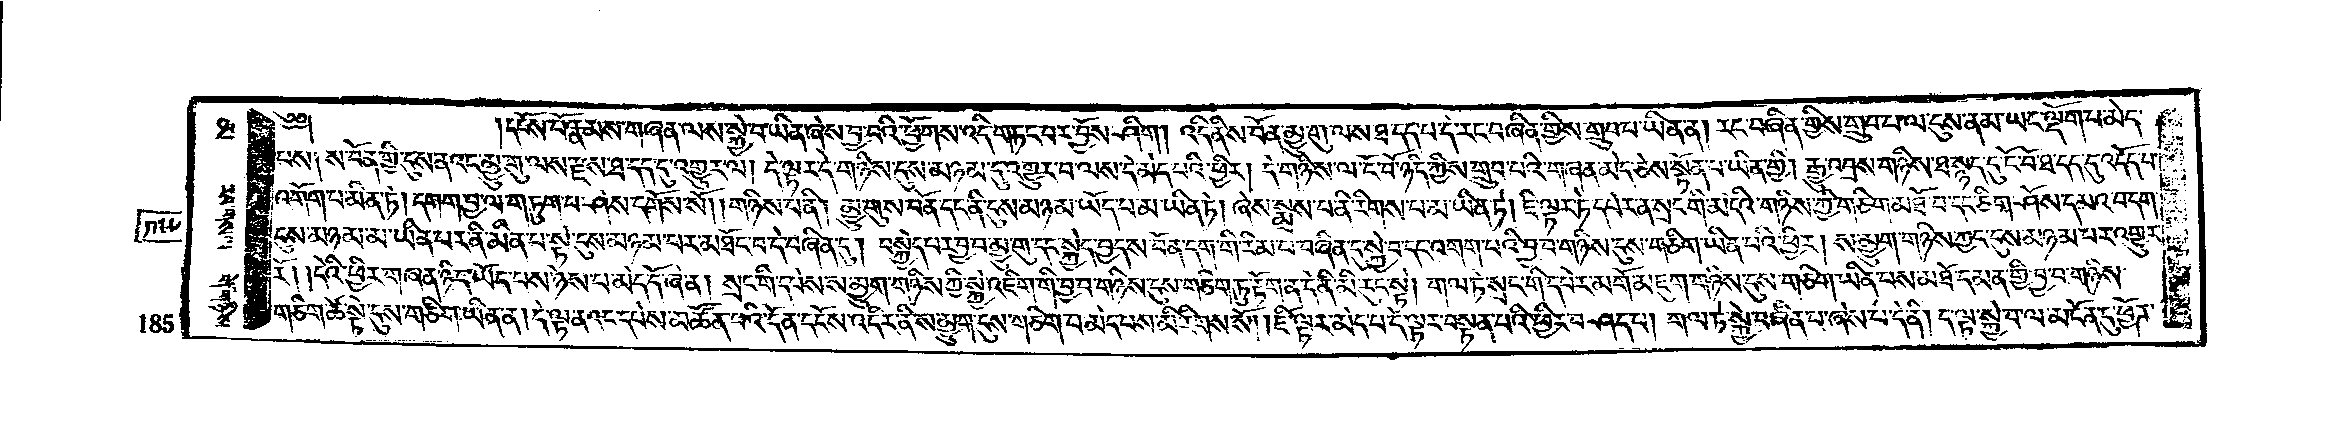༄༅། །དངོས་པོ་རྣམས་གཞན་ལས་སྐྱེ་བ་ཡིན་ཞེས་བྱ་བའི་ཕྱོགས་འདི་གཏང་བར་བྱོས་ཤིག །འདི་ནི་ས་བོན་མྱུ་གུ་ལས་ཐ་དད་པ་དེ་རང་བཞིན་གྱིས་གྲུབ་པ་ཡིན་ན། རང་བཞིན་གྱིས་གྲུབ་པ་ལ་དུས་ནམ་ཡང་ལྡོག་པ་མེད་
པས། ས་བོན་གྱི་དུས་ནའང་མྱུ་གུ་ལས་རྫས་ཐ་དད་དུ་འགྱུར་ལ། དེ་ལྟར་དེ་གཉིས་དུས་མཉམ་དུ་འགྱུར་བ་ལས་དེ་མེད་པའི་ཕྱིར། དེ་གཉིས་ལ་ངོ་བོ་ཉིད་ཀྱིས་གྲུབ་པའི་གཞན་མེད་ཅེས་སྟོན་པ་ཡིན་གྱི། རྒྱུ་འབྲས་གཉིས་ཐ་སྙད་དུ་ངོ་བོ་ཐ་དད་དུ་འདོད་པ་
འགོག་པ་མིན་ཏེ། དགག་བྱ་ལ་གཏུག་པ་ཤེས་དགོས་སོ། །གཉིས་པ་ནི། མྱུ་གུ་ས་བོན་དང་ནི་དུས་མཉམ་ཡོད་པ་མ་ཡིན་ཏེ། ཞེས་སྨྲས་པ་ནི་རིགས་པ་མ་ཡིན་ཏེ། ཇི་ལྟར་ཏེ་དཔེར་ན་སྲང་གི་མདའ་གཉིས་ཀྱི་གཅིག་མཐོ་བ་དང་ཅིག་ཤོས་དམའ་བ་དག་
དུས་མཉམ་མ་ཡིན་པར་ནི་མིན་པ་སྟེ་དུས་མཉམ་པར་མཐོང་བ་དེ་བཞིན་དུ། བསྐྱེད་པར་བྱ་བ་མྱུ་གུ་དང་སྐྱེད་བྱད་ས་བོན་དག་གི་རིམ་པ་བཞིན་དུ་སྐྱེ་བ་དང་འགག་པའི་བྱ་བ་གཉིས་དུས་གཅིག་ཡིན་པའི་ཕྱིར། ས་མྱུག་གཉིས་ཀྱང་དུས་མཉམ་པར་འགྱུར་
རོ། །དེའི་ཕྱིར་གཞན་ཉིད་ཡོད་པས་ཉེས་པ་མེད་དོ་ཞེ་ན། སྲང་གི་དཔེས་ས་མྱུག་གཉིས་ཀྱི་སྐྱེ་འཇིག་གི་བྱ་བ་གཉིས་དུས་གཅིག་ཏུ་རྟོག་ན་དེ་ནི་མི་རུང་སྟེ། གལ་ཏེ་སྲང་གི་དཔེར་མགོ་མཇུག་གཉིས་དུས་གཅིག་ཡིན་པས་མཐོ་དམན་གྱི་བྱ་བ་གཉིས་
གཅིག་ཚེ་སྟེ་དུས་གཅིག་ཡིན་ན། དེ་ལྟ་ནའང་དཔེས་མཚོན་པའི་དོན་དངོས་འདིར་ནི་ས་མྱུག་དུས་གཅིག་པ་མེད་པས་མི་རིགས་སོ། །ཇི་ལྟར་མེད་པ་དེ་ལྟར་བསྟན་པའི་ཕྱིར་བཤད་པ། གལ་ཏེ་སྐྱེ་བཞིན་པ་ཞེས་པ་དེ་ནི། ད་ལྟ་སྐྱེ་བ་ལ་མངོན་དུ་ཕྱོགས་